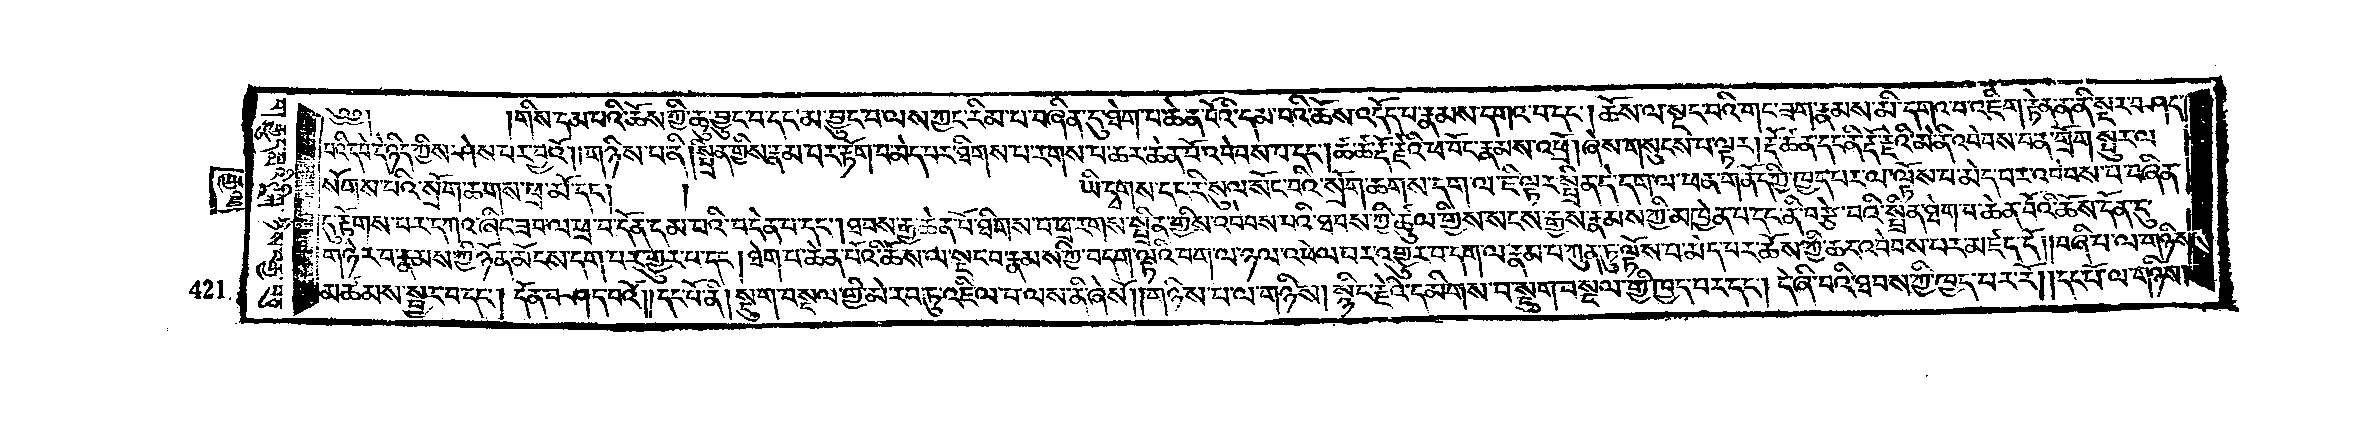༄༅། །གིས་དམ་པའི་ཆོས་ཀྱི་ཆུ་བྱུང་བ་དང་མ་བྱུང་བ་ལས་ཀྱང་རིམ་པ་བཞིན་དུ་ཐེག་པ་ཆེན་པོའི་དམ་པའི་ཆོས་འདོད་པ་རྣམས་དགའ་བ་དང་། ཆོས་ལ་སྔར་བའི་གང་ཟག་རྣམས་མི་དགའ་བ་འཇིག་རྟེན་ན་ནི་སྔར་བཤད་
བའི་དཔེ་དེ་ཉིད་ཀྱིས་ཤེས་པར་བྱའོ། །གཉིས་པ་ནི། སྤྲིན་གྱིས་རྣམ་པར་རྟོག་པ་མེད་པར་ཐིགས་པ་རགས་པ་ཆར་ཆེན་པོ་འབེབས་པ་དང་། ཚ་ཚ་རྡོ་རྗེའི་ཕ་བོང་རྣམས་འཕྲོ། ཞེས་གསུངས་པ་ལྟར། རྡོ་ཚན་དང་ནི་རྡོ་རྗེའི་མེ་ནི་འབེབས་བ་ན་གྲོག?་སྦུར་ལ་
སོགས་པའི་སྲོག་ཆགས་ཕྲ་མོ་དང་། །ཡི་དྭགས་དང་རི་སུལ་སོང་བའི་སྲོག་ཆགས་དག་ལ་ཇི་ལྟར་སྤྲིན་དེ་དག་ལ་ཕན་གནོད་ཀྱི་ཁྱད་པར་ལ་ལྟོས་པ་མེད་པར་འབེབས་པ་བཞིན་
དུ་རྟོགས་པར་དཀའ་ཞིང་ཟབ་ལ་ཕྲ་བ་དོན་དམ་པའི་བདེན་པ་དང་། ཐབས་རྒྱ་ཆེན་པོ་ཐིགས་པ་ཕྲ་རགས་སྤྲིན་གྱིས་འབེབས་པའི་ཐབས་ཀྱི་ཚུལ་གྱིས་སངས་རྒྱས་རྣམས་ཀྱི་མཁྱེན་པ་དང་ནི་བརྩེ་བའི་སྤྲིན་ཐེག་པ་ཆེན་པོའི་ཆོས་དོན་དུ་
གཉེར་བ་རྣམས་ཀྱི་ཉོན་མོངས་དག་པར་གྱུར་པ་དང་། ཐེག་པ་ཆེན་པོའི་ཆོས་ལ་སྡང་བ་རྣམས་ཀྱི་བདག་ལྟའི་བག་ལ་ཉལ་འཕེལ་བར་འགྱུར་བ་དག་ལ་རྣམ་པ་ཀུན་ཏུ་ལྟོས་པ་མེད་པར་ཆོས་ཀྱི་ཆར་འབེབས་པར་མཛད་དོ། །བཞི་པ་ལ་གཉིས་
མཚམས་སྦྱར་བ་དང་། དོན་བཤད་པའོ། །དང་པོ་ནི། སྡུག་བསྔལ་གྱི་མེ་རབ་ཏུ་འཇིལ་བ་ལས་ནི་ཞེས་སོ། །གཉིས་པ་ལ་གཉིས། སྙིང་རྗེའི་དམིགས་པ་སྡུག་བསྔལ་གྱི་ཁྱད་པར་དང་། དེ་ཞི་བའི་ཐབས་ཀྱི་ཁྱད་པར་རོ། །དང་པོ་ལ་གཉིས་